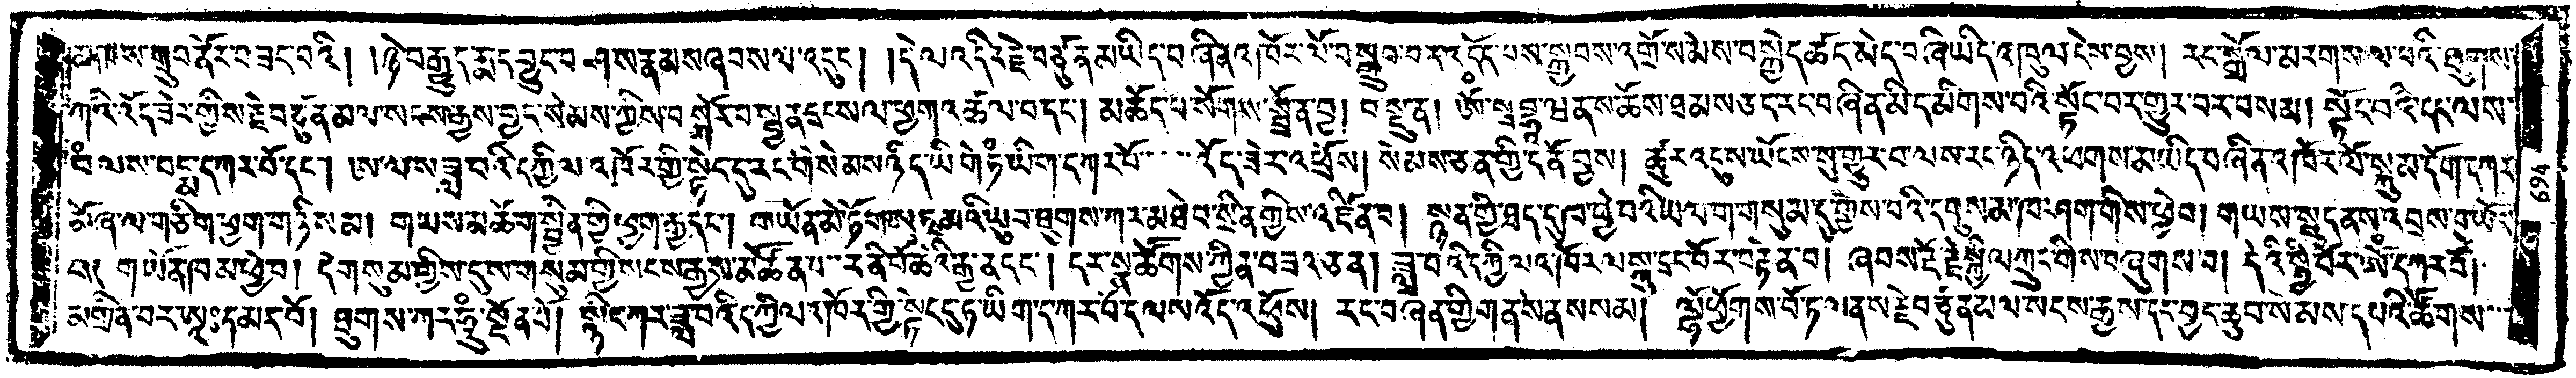མཁས་གྲུབ་ནོར་བཟང་བའི། །ཉེ་བརྒྱུད་རྨད་བྱུང་བཤས་རྣམས་ཞབས་ལ་འདུང་། །དེ་ལ་འདིར་རྗེ་བཙུན་མ་ཡིད་བཞིན་འཁོར་ལོ་བསྒྲུབ་བར་འདོང་པས་སྐྱེབས་འགྲོ་སེམས་བསྐྱེད་ཚད་མེད་བཞི་ཡིད་འཁུལ་ངེས་བྱས། རང་སྒྲོལ་མར་གསལ་བའི་ཐུགས་
ཀའི་འོད་ཟེར་གྱིས་རྗེ་བཙུན་མལ་སངས་རྒྱས་བྱང་སེམས་ཀྱིས་བསྐོར་བ་སྦྱན་དྲངས་ལ་ཕྱག་འཚལ་བ་དང་། མཆོད་བ་སོགས་སྦྲོན་བྱ། བསྡུ་ན། ཨོཾ་སྭ་བྷཱ་ཝ་ནས་ཆོས་ཐམས་ཅད་རང་བཞིན་མི་དམིགས་བའི་སྟོང་བར་གྱུར་བར་བསམ། སྟོང་བའི་དང་ལས་
གི་ལས་པདམ་དཀར་པོ་དང་། ཨ་ལས་ཟླ་བའི་དཀྱིལ་འཁོར་གྱི་སྟེང་དུ་རང་གི་སེམས་ཉིད་ཡི་གེ་ཏཾ་ཡིག་དཀར་བོ་ལས་འོད་ཟེར་འཕྲོས། སེམས་ཅན་གྱི་དོན་བྱས། ཚུར་འདུས་ཡོངས་སུ་གྱུར་བ་ལས་རང་ཉིད་ལ་འཕགས་མ་ཡིད་བཞིན་འཁོར་ལོ་སྐུམ་དོག་དཀར་
མཻ་ཝ་ལ་གཅིག་ཕྱག་གཉིས་མ། གཡས་མཆོག་སྦྱིན་གྱི་ཕྱག་རྒྱ་དང་། གཡོན་མེ་ཏོག་ཨུཏྤལཱི་ཡུབ་ཐུགས་ཀར་མཐེབ་སྲིན་གྱིས་འཛིན་བ། སྙན་གྱི་ཐད་དུ་ཁ་ཕྱེ་བའི་ཡལ་ག་གསུམ་དུ་གྱིས་བའི་དབུས་མ་ཁ་ཤག་གིས་ཕྱེ་བ། གཡས་སྦུད་ནས་འབྲས་བུ་ཡོད་
བ༑ གཡོན་ཁམ་ཕྱེ་བ། དེ་གསུམ་ཀྱིས་དུས་གསུམ་གྱིས་དང་རྒྱས་མཚོན་པ་རན་པོ་ཆེའི་རྒྱན་དང་། དར་སྣ་ཚོགས་ཀྱི་ན་བཟའ་ཅན། ཟླ་བའི་དཀྱིལ་འཁོར་ལ་སྐུ་དྲང་བོར་བརྟེན་བ། ཞབས་རྡོ་རྗེ་སྐྱིལ་གྲུང་གིས་བཞུགས་བ། དེའི་སྐྱི་བོར་ཨོཾ་དཀར་བོ།
མགྲིན་བར་ཨཱཿ དམང་པོ། ཐུགས་ཀར་ཧཱུཾ་སྔོན་བོ། སྙིང་ཀར་ཟླ་བའི་དཀྱིལ་འཁོར་གྱི་སྟེང་དུ་ཏ་ཡིག་དཀར་བོད་ལས་འོད་འཕོས། རང་བཞན་གྱི་གནས་ནས་སམ། ལྷོ་ཕྱོགས་བོ་ཏ་ལ་ན་རྗེ་བཙུན་མལ་སངས་རྒྱས་དང་བྱང་ཆུབ་སེམས་དཔའི་ཚོགས་